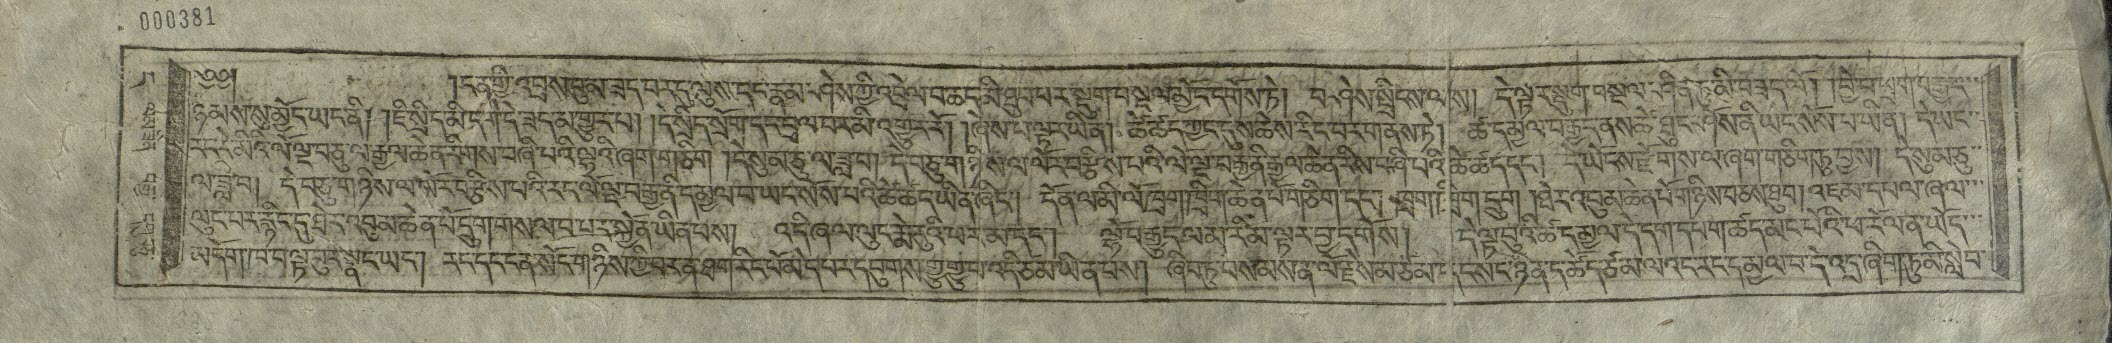༄༅། །ངན་གྱི་འབྲས་བུ་མ་ཟད་བར་དུ་ལུས་དང་རྣམ་ཤེས་ཀྱི་འབྲེལ་བ་ཆད་མི་ཐུབ་པར་སྡུག་བསྔལ་མྱོང་དགོས་ཏེ། བཤེས་སྤྲིངས་ལས། དེ་ལྟར་སྡུག་བསྔལ་ཤིན་ཏུ་མི་བཟད་ལོ། །བྱེ་བ་ཕྲག་བརྒྱར་
ཉམས་སུ་མྱོང་ཡང་ནི། །ཇི་སྲིད་མི་དགེ་དེ་ཟད་མ་གྱུར་པ། །དེ་སྲིད་སྲོག་དན་བྲལ་བར་མི་འགྱུར་རོ། །ཞེས་པ་ལྟར་ཡིན། ཚེ་ཚད་ཀྱང་དུས་ཆེས་རིང་བར་གནས་ཏེ། ཚ་དམྱལ་བརྒྱད་ནས་ཚེ་ཐུང་ཤོས་ནི་ཡང་སོས་པ་ཡིན། དེ་ཡང་
རང་རེ་མིའི་ལོ་ལྔ་བཅུ་ལ་རྒྱལ་ཆེན་རིགས་བཞི་པའི་ལྷའི་ཞག་གཅིག །དེ་སུམ་ཅུ་ལ་ཟ་བ། དེ་བཅུ་གཉིས་ལ་ལོར་བརྩིས་པའི་ལོ་ལྔ་བརྒྱ་ནི་རྒྱལ་ཆེན་རིས་བཞི་པའི་ཚེ་ཚད་དང་། དེ་ཡོངས་རྫོགས་ལ་ཞ་གྒྕིག་ཏུ་བྱས། དེ་སུམ་ཅུ་
ལ་ཟླ་བ། དེ་བཅུ་གཉིས་ལ་ལོར་བརྩིས་པའི་རང་ལོ་ལྔ་བརྒྱ་ནི་དམྱལ་བ་ཡང་སོས་པའི་ཚེ་ཚད་ཡིན་ཞིང་། དོན་ལ་མི་ལོ་ཁྲག་ཁྲིག་ཆེན་པོ་གཅིག་དང་། ཁྲག་ཁྲིག་དྲུག །ཐེར་འབུམ་ཆེན་པོ་གཉིས་བཅས་ཐུབ། འཇམ་དཔལ་ཞལ་
ལུང་པར་རྙིང་དུ་ཐེར་འབུམ་ཆེན་པོ་དྲུག་གསལ་བ་པར་སྐྱོན་ཡིན་པས། འདི་ཞལ་ལུང་རྨེ་རུའི་པར་མ་དང་། ལྷོ་བརྒྱུད་ལམ་རིམ་ལྟར་བྱ་དགོས། དེ་ལྟ་བུའི་ཚ་དམྱལ་དེ་དག་དཔག་ཚད་མང་པོའི་ཕ་རོལ་ན་ཡོད་
མདོག་ཁ་བ་ལྟ་བུར་སྣང་ཡང་། རང་དང་ངན་སོང་གཉིས་ཀྱི་བར་ན་ཐག་རིང་པོ་མེད་པར་དབུགས་གྱུ་གྱུ་བ་འདི་ཙམ་ཡིན་པས། ཞིབ་ཏུ་བསམས་ན་ལོ་རྗེས་མ་ཙམ་དང་སང་ཉིན་ད་ཚོད་ཙམ་ལའང་རང་དམྱལ་བ་དེ་འདྲ་ཞིག་ཏུ་མི་སླེབ་